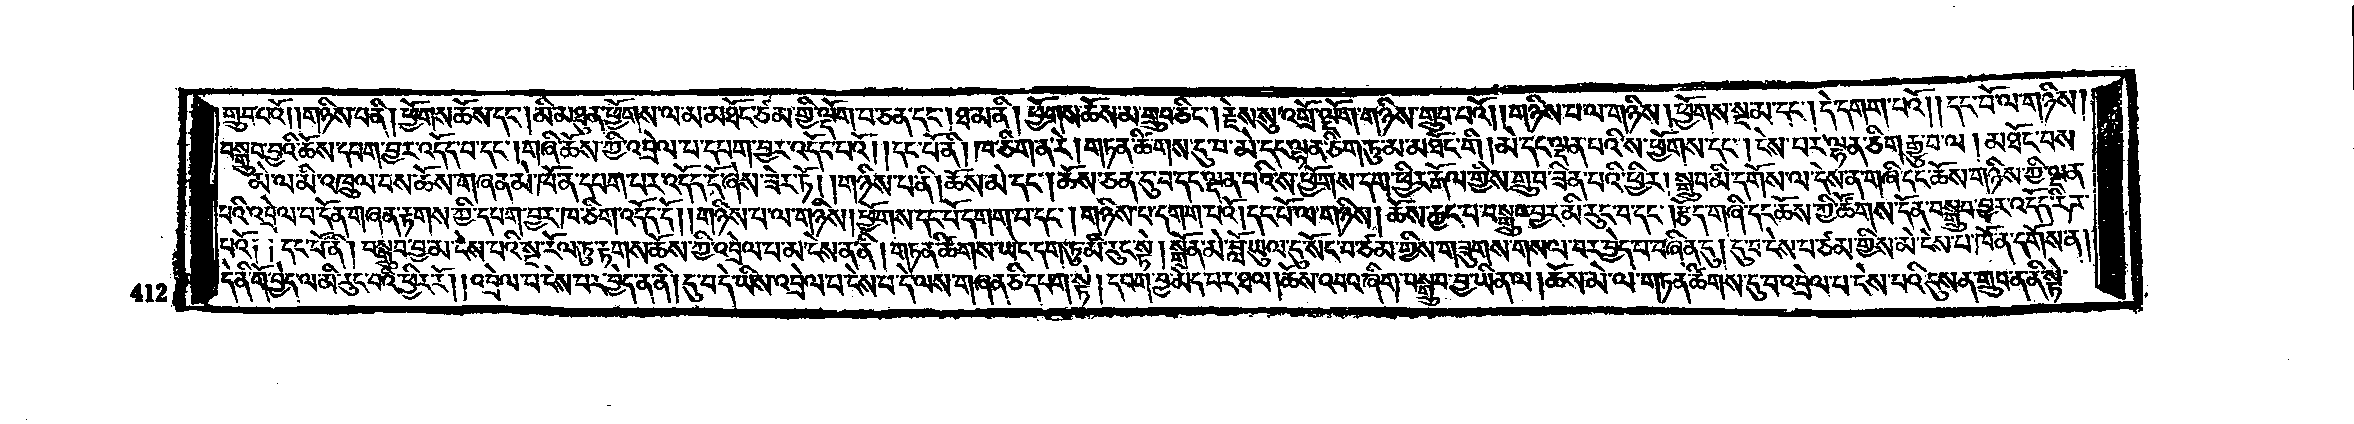གྲུབ་པའོ། །གཉིས་པ་ནི། ཕྱོགས་ཆོས་དང་། མི་མཐུན་ཕྱོགས་ལ་མ་མཐོང་ཙམ་གྱི་ལྡོག་པ་ཅན་དང་། ཐ་མ་ནི། ཕྱོགས་ཆོས་མ་གྲུབ་ཅིང་། རྗེས་སུ་འགྲོ་ལྡོག་གཉིས་གྲུབ་པའོ། །གཉིས་པ་ལ་གཉིས། ཕྱོགས་སྔ་མ་དང་། དེ་དགག་པའོ། །དང་པོ་ལ་གཉིས།
བསྒྲུབ་བྱའི་ཆོས་དཔག་བྱར་འདོད་པ་དང་། གཞི་ཆོས་ཀྱི་འབྲེལ་པ་དཔག་བྱར་འདོད་པའོ། །དང་པོ་ནི། ཁ་ཅིག་ན་རེ། གཏན་ཚིགས་དུ་བ་མེད་དང་ལྷན་ཅིག་ཏུ་མ་མཐོང་གི །མེ་དང་ལྡན་པའི་ས་ཕྱོགས་དང་། ངེས་པར་ལྷན་ཅིག་རྒྱུ་བ་ལ། མཐོང་བས་
མེ་ལ་མི་འཁྲུལ་བས་ཆོས་གཞན་མེད་ཁོ་ན་དཔག་པར་འདོད་དོ་ཞེས་ཟེར་ཏོ། །གཉིས་པ་ནི། ཆོས་མེད་དང་། ཆོས་ཅན་དུ་བ་དང་ལྡན་པའི་ས་ཕྱོགས་དག་ཕྱིར་རྒོལ་གྱིས་གྲུབ་ཟིན་པའི་ཕྱིར། སྒྲུབ་མི་དགོས་ལ་དེས་ན་གཞི་དང་ཆོས་གཉིས་ཀྱི་ལྡན་
པའི་འབྲེལ་པ་དོན་གཞན་རྟོགས་ཀྱི་དཔག་བྱར་ཁ་ཅིག་འདོད་དོ། །གཉིས་པ་ལ་གཉིས། ཕྱོགས་དང་པོ་དགག་པ་དང་། གཉིས་པ་དགག་པའོ། །དང་པོ་ལ་གཉིས། ཆོས་རྐྱང་པ་བསྒྲུབ་བྱར་མི་རུང་བ་དང་། རྩོད་གཞི་དང་ཆོས་ཀྱི་ཚོགས་དོན་བསྒྲུབ་བྱར་འདོད་རིགས་
པའོ༑ ༑དང་པོ་ནི། བསྒྲུབ་བྱ་མ་ངེས་པའི་སྔ་རོལ་ཏུ་རྟགས་ཆོས་ཀྱི་འབྲེལ་པ་མ་ངེས་ན་ནི། གཏན་ཚིགས་ཡང་དག་ཏུ་མི་རུང་སྟེ། སྒྲོན་མེ་བློ་ཡུལ་དུ་སོང་བ་ཙམ་གྱིས་གཟུགས་གསལ་བར་བྱེད་པ་བཞིན་དུ། དུ་བ་ངེས་པ་ཙམ་གྱིས་མེ་ངེས་པ་ཁོ་ན་དགོས་ན།
དེ་ནི་གོ་བྱེད་ལ་མི་རུང་བའི་ཕྱིར་རོ། །འབྲེལ་པ་ངེས་པར་བྱེད་ན་ནི། དུ་བ་དེ་ཡིས་འབྲེལ་པ་ངེས་པ་དེ་ལས་གཞན་ཅི་དཔག་སྟེ། དཔག་བྱ་མེད་པར་ཐལ། ཆོས་འབའ་ཞིག་བསྒྲུབ་བྱ་ཡིན་ལ། ཆོས་མེ་ལ་གཏན་ཚིགས་དུ་བ་འབྲེལ་པ་ངེས་པའི་དུས་ན་གྲུབ་ན་ནི་སྟེ།